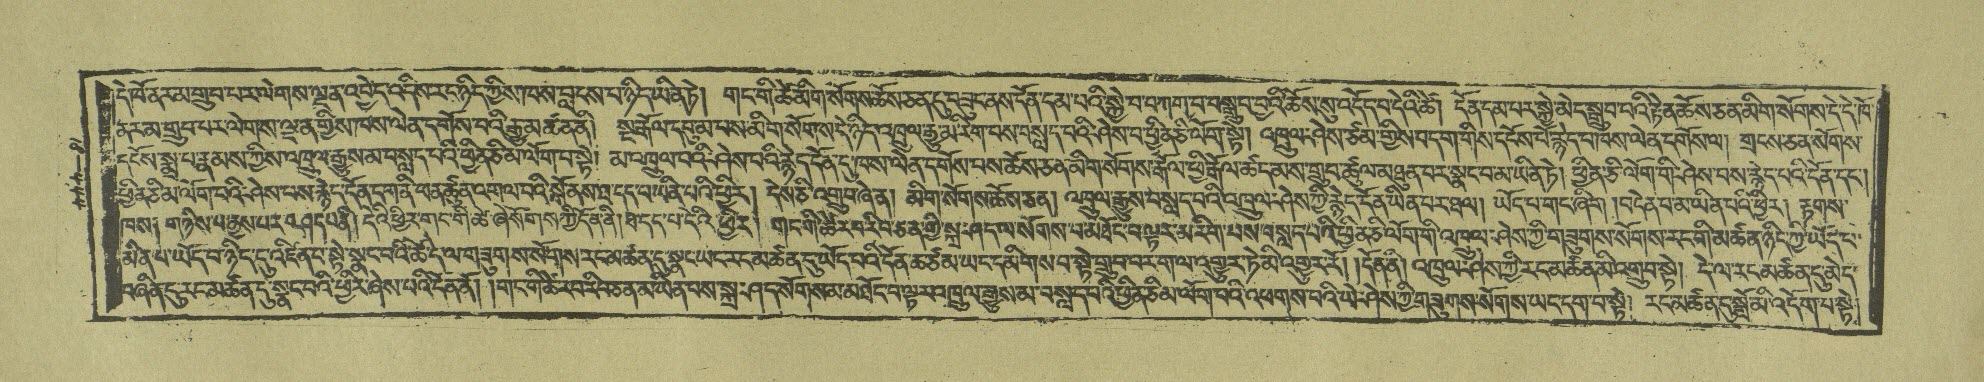དེ་ཁོ་ནར་མ་གྲུབ་པར་ལེགས་ལྡན་འབྱེད་འདིས་རང་ཉིད་ཀྱིས་ཁས་བླངས་པ་ཉིད་ཡིན་ཏེ། གང་གི་ཚེ་མིག་སོགས་ཆོས་ཅན་དུ་བཟུང་ནས་དོན་དམ་པའི་སྐྱེ་བ་བཀག་པ་བསྒྲུབ་བྱའི་ཆོས་སུ་འདོད་པ་དེའི་ཚེ། དོན་དམ་པར་སྐྱེ་མེད་སྒྲུབ་པའི་རྟེན་ཆོས་ཅན་མིག་སོགས་དེ་དེ་ལོ་
ནར་མ་གྲུབ་པར་ལེགས་ལྡན་གྱིས་ཁས་ལེན་དགོས་པའི་རྒྱུ་མཚན་ནི། སྔ་རྒོལ་དབུ་མ་པས་མིག་སོགས་དེ་ཉིད་འཁྲུལ་རྒྱུ་མ་རིག་པས་བསླད་པའི་ཤེས་པ་ཕྱིན་ཅི་ལོག་སྟེ། འཁྲུལ་ཤེས་ཙམ་གྱིས་བདག་གིས་དངོས་པོ་རྙེད་པ་ཁས་ལེན་དགོས་ལ། གྲངས་ཅན་སོགས་
དངོས་སྨྲ་བ་རྣམས་ཀྱིས་འཁྲུལ་རྒྱུས་མ་བསླད་པའི་ཕྱིན་ཅི་མ་ལོག་པ་སྟེ། མ་འཁྲུལ་བའི་ཤེས་པའི་རྙེད་དོན་དུ་ཁས་ལེན་དགོས་པས་ཆོས་ཅན་མིག་སོགས་རྒོལ་ཕྱི་རྒོལ་ཚད་མས་གྲུབ་ཚུལ་མཐུན་པར་སྣང་བ་མ་ཡིན་ཏེ། ཕྱིན་ཅི་ལོག་གི་ཤེས་པས་རྙེད་པའི་དོན་དང་།
ཕྱིན་ཅི་མ་ལོག་པའི་ཤེས་པས་རྙེད་དོན་དག་ནི་ཕན་ཚུན་འགལ་བའི་སྒོ་ནས་ཐ་དད་པ་ཡིན་པའི་ཕྱིར། དེས་ཅི་འགྲུབ་ཞེ་ན། མིག་སོགས་ཆོས་ཅན། འཁྲུལ་རྒྱུས་བསླད་པའི་འཁྲུལ་ཤེས་ཀྱི་རྙེད་དོན་ཡིན་པར་ཐལ། ཡོད་པ་གང་ཞིག །བདེན་པ་མ་ཡིན་པའི་ཕྱིར། རྟགས་
ཁས། གཉིས་པ་རྒྱས་པར་བཤད་པ་ནི། དེའི་ཕྱིར་གང་གི་ཚེ་ཞེ་སོགས་ཀྱི་དོན་ནི། ཐ་དད་པ་དེའི་ཕྱིར། གང་གི་ཚེ་རབ་རིབ་ཅན་གྱི་སྐྲ་ཤད་ལ་སོགས་པ་མཐོང་བ་ལྟར་མ་རིག་པས་བསླད་པའི་ཕྱིན་ཅི་ལོག་གི་འཁྲུལ་ཤེས་ཀྱི་གཟུགས་སོགས་རང་གི་མཚན་ཉིད་ཀྱི་ཡོད་པ་
མིན་པ་ཡོད་པ་ཉིད་དུ་འཛིན་པ་སྟེ་སྣང་བའི་ཚེ་དེ་ལ་གཟུགས་སོགས་རང་མཚན་དུ་སྣང་ཡང་རང་མཚན་དུ་ཡོད་པའི་དོན་ཆ་ཙམ་ཡང་དམིགས་པ་སྟེ་གྲུབ་པར་ག་ལ་འགྱུར་ཏེ་མི་འགྱུར་རོ། །དོན་ནི། འཁྲུལ་ཤེས་ཀྱི་རང་མཚན་མི་འགྲུབ་སྟེ། དེ་ལ་རང་མཚན་དུ་མེད་
བཞིན་དུ་རང་མཚན་དུ་སྣང་བའི་ཕྱིར་ཞེས་པའི་དོན་ནོ། །གང་གི་ཚེ་རབ་རིབ་ཅན་མ་ཡིན་པས་སྐྲ་ཤད་སོགས་མ་མཐོང་བ་ལྟར་འཁྲུལ་རྒྱུས་མ་བསླད་པའི་ཕྱིན་ཅི་མ་ལོག་པའི་འཕགས་པའི་ཡེ་ཤེས་ཀྱི་གཟུགས་སོགས་ཡང་དག་པ་སྟེ། རང་མཚན་དུ་སྒྲོ་མི་འདོག་པ་སྟེ།